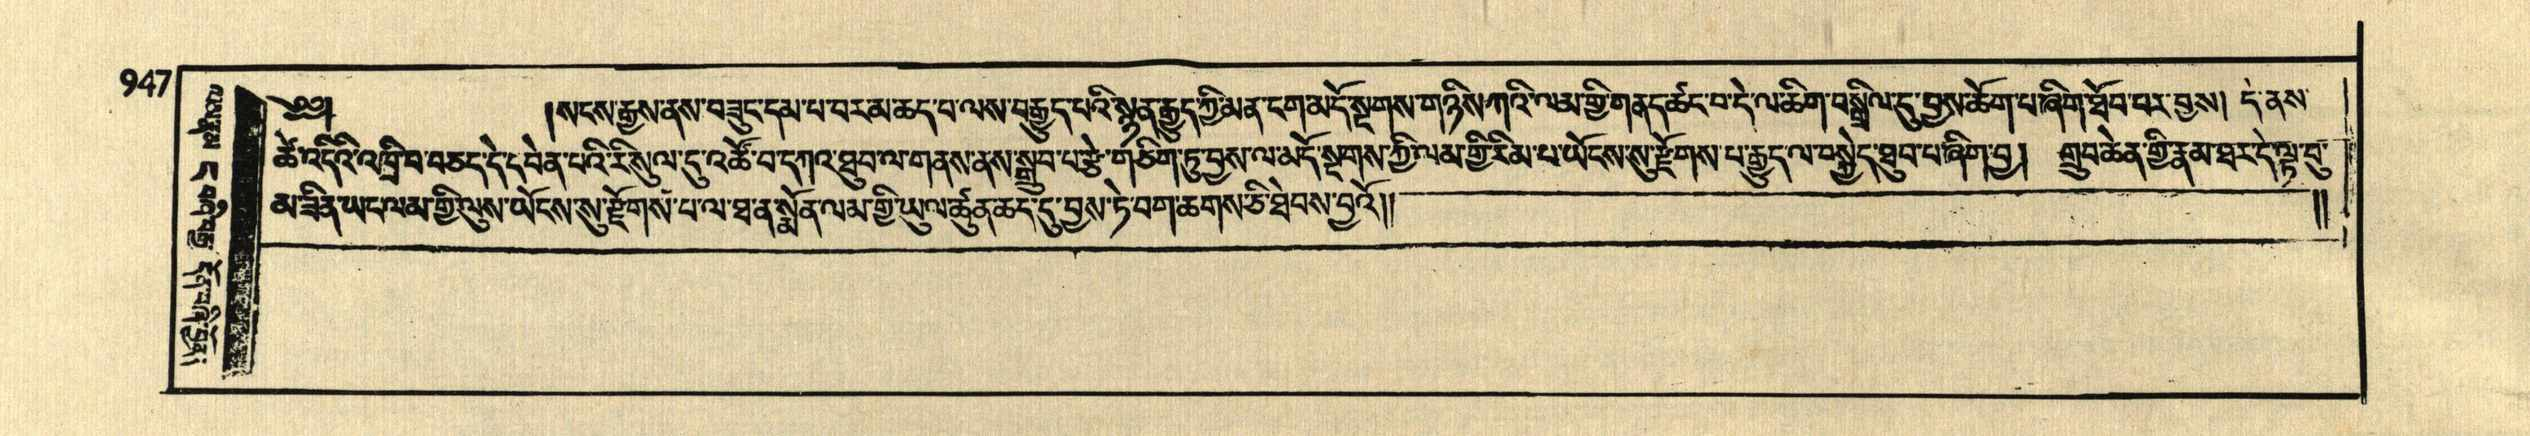༄༅། །སངས་རྒྱས་ནས་བཟུང་དམ་པ་བར་མ་ཆད་བ་ལས་བརྒྱུད་པའི་སྙན་རྒྱུད་ཀྱི་མན་ངག་མདོ་སྔགས་གཉིས་ཀའི་ལམ་གྱི་གནད་ཚང་བ་དེ་ལ་ཆིག་བསྒྲིལ་དུ་བྱས་ཆོག་པ་ཞིག་ཐོབ་པར་བྱས། དེ་ནས་
ཚེ་འདིའི་འཁྲི་བ་བཅད་དེ་དབེན་པའི་རི་སུལ་དུ་འཚོ་བ་དཀའ་ཐུབ་ལ་གནས་ནས་སྒྲུབ་པ་རྩེ་གཅིག་ཏུ་བྱས་ལ་མདོ་སྔགས་ཀྱི་ལམ་གྱི་རིམ་པ་ཡོངས་སུ་རྫོགས་པ་རྒྱུད་ལ་བསྐྱེད་ཐུབ་པ་ཞིག་བྱ། གྲུབ་ཆེན་གྱི་རྣམ་ཐར་དེ་ལྟ་བུ་
མ་ཟིན་ཡང་ལམ་གྱི་ལུས་ཡོངས་སུ་རྫོགས་པ་ལ་ཐ་ན་སྨོན་ལམ་གྱི་ཡུལ་ཚུན་ཆད་དུ་བྱས་ཏེ་བག་ཆགས་ཅི་ཐེབས་བྱའོ།། །།